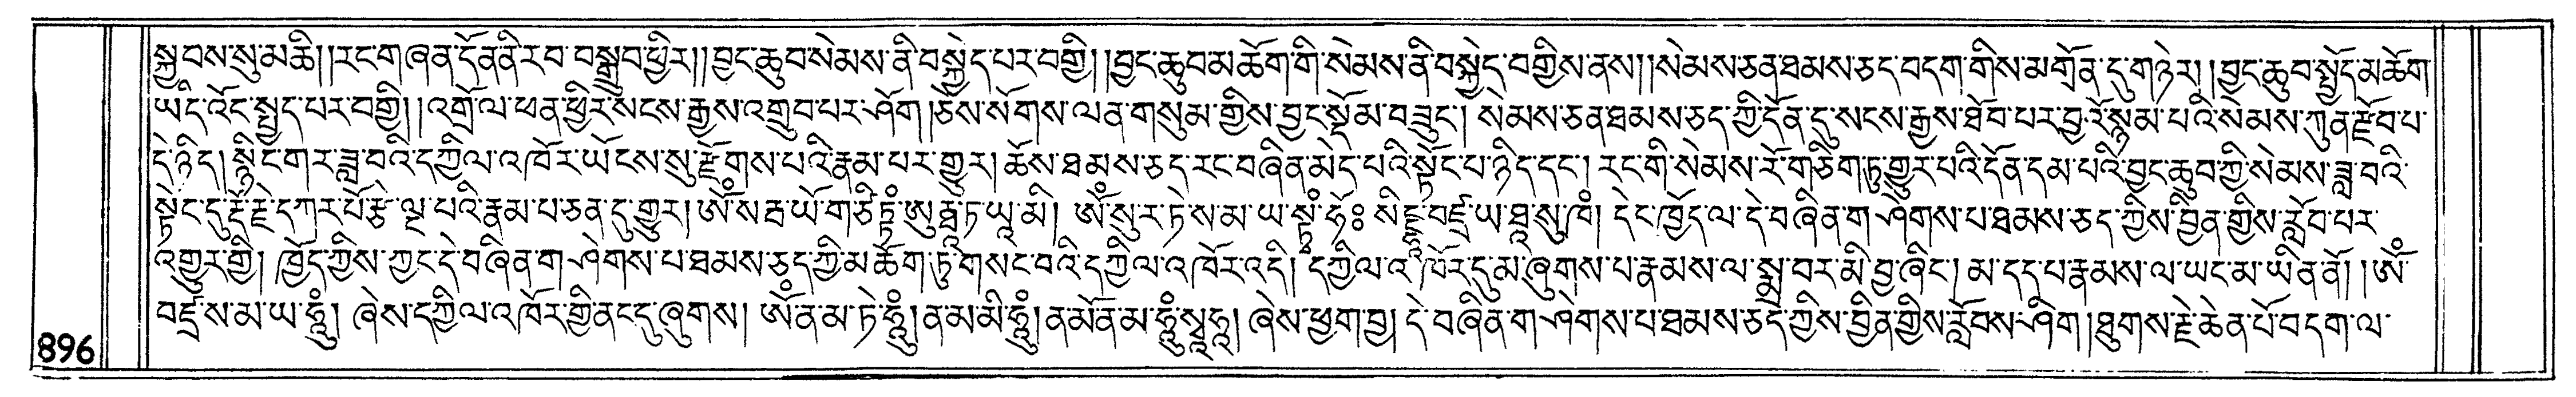སྐྱབས་སུ་མཆི། །རང་གཞན་དོན་ནི་རབ་བསྒྲུབ་ཕྱིར། །བྱང་ཆུབ་སེམས་ནི་བསྐྱེད་པར་བགྱི། །བྱང་ཆུབ་མཆོག་གི་སེམས་ནི་བསྐྱེད་བགྱིས་ནས། །སེམས་ཅན་ཐམས་ཅད་བདག་གིས་མགྲོན་དུ་གཉེར། །བྱང་ཆུབ་སྤྱོད་མཆོག་
ཡིད་འོང་སྤྱད་པར་བགྱི། །འགྲོ་ལ་ཕན་ཕྱིར་སངས་རྒྱས་འགྲུབ་པར་ཤོག །ཅེས་སོགས་ལན་གསུམ་གྱིས་བྱང་སྡོམ་བཟུང་། སེམས་ཅན་ཐམས་ཅད་ཀྱི་དོན་དུ་སངས་རྒྱས་ཐོབ་པར་བྱའོ་སྙམ་པའི་སེམས་ཀུན་རྫོབ་པ་
དེ་ཉིད། སྙིང་གར་ཟླ་བའི་དཀྱིལ་འཁོར་ཡོངས་སུ་རྫོགས་པའི་རྣམ་པར་གྱུར། ཆོས་ཐམས་ཅད་རང་བཞིན་མེད་པའི་སྟོང་པ་ཉིད་དང་། རང་གི་སེམས་རོ་གཅིག་ཏུ་གྱུར་པའི་དོན་དམ་པའི་བྱང་ཆུབ་ཀྱི་སེམས་ཟླ་བའི་
སྟེང་དུ་རྡོ་རྗེ་དཀར་པོ་རྩེ་ལྔ་པའི་རྣམ་པ་ཅན་དུ་གྱུར། ཨོཾ་སརྦ་ཡོ་ག་ཙི་ཏྟཾ་ཨུརྠཱ་ཏ་ཡཱ་མི། ཨོཾ་སུ་ར་ཏེ་ས་མ་ཡ་སྟྭཾ་ཧོཿ སིདྡྷཱ་བཛྲ་ཡ་ཐཱ་སུ་ཁཾ། དེང་ཁྱོད་ལ་དེ་བཞིན་གཤེགས་པ་ཐམས་ཅད་ཀྱིས་བྱིན་གྱིས་རློབ་པར་
འགྱུར་གྱི། ཁྱོད་ཀྱིས་ཀྱང་དེ་བཞིན་གཤེགས་པ་ཐམས་ཅད་ཀྱི་མཆོག་ཏུ་གསང་བའི་དཀྱིལ་འཁོར་འདི། དཀྱིལ་འཁོར་དུ་མ་ཞུགས་པ་རྣམས་ལ་སྨྲ་བར་མི་བྱ་ཞིང་། མ་དད་པ་རྣམས་ལ་ཡང་མ་ཡིན་ནོ། །ཨོཾ་
བཛྲ་ས་མ་ཡ་ཧཱུཾ། ཞེས་དཀྱིལ་འཁོར་གྱི་ནང་དུ་ཞུགས། ཨོཾ་ན་མ་ཏེ་ཧཱུཾ། ན་མ་མི་ཧཱུཾ། ན་མོ་ན་མ་ཧཱུཾ་སྭཱཧཱ། ཞེས་ཕྱག་བྱ། དེ་བཞིན་གཤེགས་པ་ཐམས་ཅད་ཀྱིས་བྱིན་གྱིས་རློབས་ཤིག །ཐུགས་རྗེ་ཆེན་པོ་བདག་ལ་